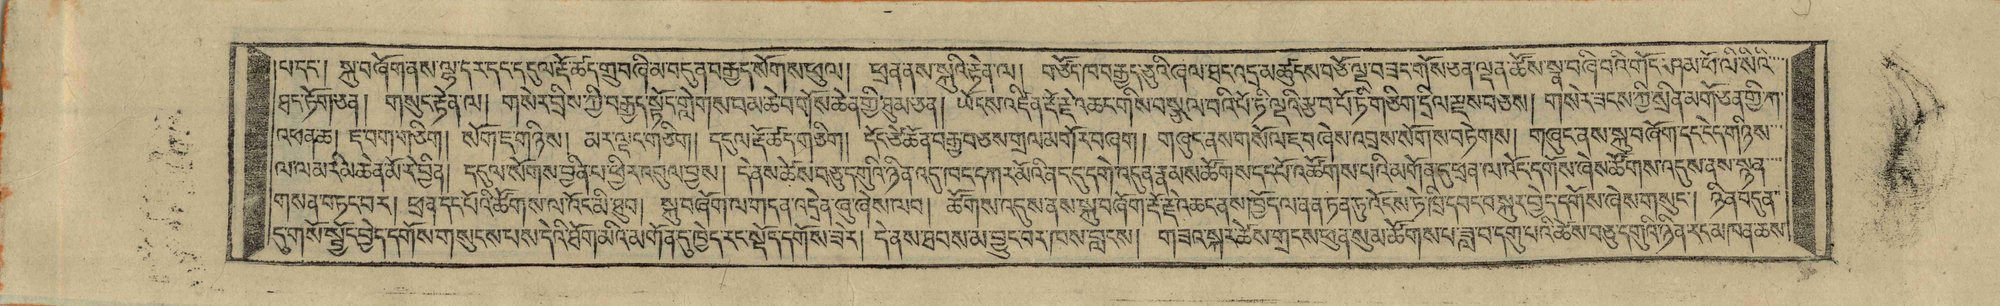པ་དང་། སྐུ་བཞོག་ནས་ལྷ་དར་དང་དངུལ་རྡོ་ཚད་གྲུ་བཞི་མ་བདུན་བརྒྱད་སོགས་ཕུལ། ཕྲན་ནས་སྐུའི་རྟེན་ལ། བཙོང་ཁ་བརྒྱད་ཅུའི་ཞལ་ཐང་འདྲ་མཚུངས་བཅོ་ལྔ་བཟང་གོས་ཅན་ལྡན་ཚོས་སྣ་བཞི་བའི་གོང་ཤམ་ཕོ་ལི་སིའི་
ཐང་ཏོག་ཅན། གསུང་རྟེན་ལ། གསེར་བྲིས་ཀྱི་བརྒྱད་སྟོང་གླེགས་བམ་ཆེ་བ་གོས་ཆེན་གྱི་ཐུམ་ཅན། ཡོངས་འཛིན་རྡོ་རྗེ་འཆང་གིས་བསྩལ་བའི་པོ་ཏི་ལྔའི་རྩ་བ་པོ་ཏི་གཅིག་དྲིལ་རྫས་བཅས། གསེར་ཟངས་ཀྱི་སྲིན་མགོ་ཅན་གྱི་ཀ་
འཕན་ཆ། ཇ་བག་གཅིག །སོག་ཇ་གཉིས། མར་ལྡང་གཅིག །དངུལ་རྡོ་ཚད་གཅིག །དོང་ཙེ་ཆོན་བརྒྱ་བཅས་གྲལ་མགོར་བཞག །གཞུང་ནས་གསོལ་ཇ་བཞེས་འབྲས་སོགས་བཏེགས། གཞུང་ནས་སྐུ་བཞོག་དང་ངེད་གཉིས་
ལ་ལམ་རིམ་ཆེན་མོ་རེ་བྱིན། དངུལ་སོགས་བྱིན་པ་ཕྱིར་འབུལ་བྱས། དེ་ནས་ཚེས་བཅུ་དགུའི་ཉིན་འདུ་ཁང་དཀར་མོའི་ནང་དུ་དགེ་འདུན་རྣམས་ཚོགས་དང་པོ་འཚོགས་པའི་མགོན་དུ་ཕྲན་ལ་འོང་དགོས་ཞེས་ཚོགས་འདུས་ནས་སྙན་
གསན་བཏང་བར། ཕྲན་དང་པོའི་ཚོགས་ལ་འོང་མི་ཐུབ། སྐུ་བཞོག་ལ་གདན་འདྲེན་ཞུ་ཞེས་ལབ། ཚོགས་འདུས་ནས་སྐུ་བཞོག་རྡོ་རྗེ་འཆང་ནས་ཁྱོད་ལ་ནན་ཏན་ཏུ་འོངས་ཏེ་ཁྲི་དབང་བསྐུར་བྱེད་དགོས་ཞེས་གསུང་། ཉིན་བདུན་
དུ་གསོ་སྦྱོང་བྱེད་དགོས་གསུངས་པས་དེའི་ཐོག་མའི་མགོན་དུ་ཁྱེད་རང་སྡོད་དགོས་ཟེར། དེ་ནས་ཐབས་མ་བྱུང་བར་ཁས་བླངས། གཟའ་སྐར་ཚེས་གྲངས་ཕུན་སུམ་ཚོགས་པ་ཟླ་བ་དགུ་པའི་ཚེས་བཅུ་དགུའི་ཉིན་རང་མཁན་ཆས་